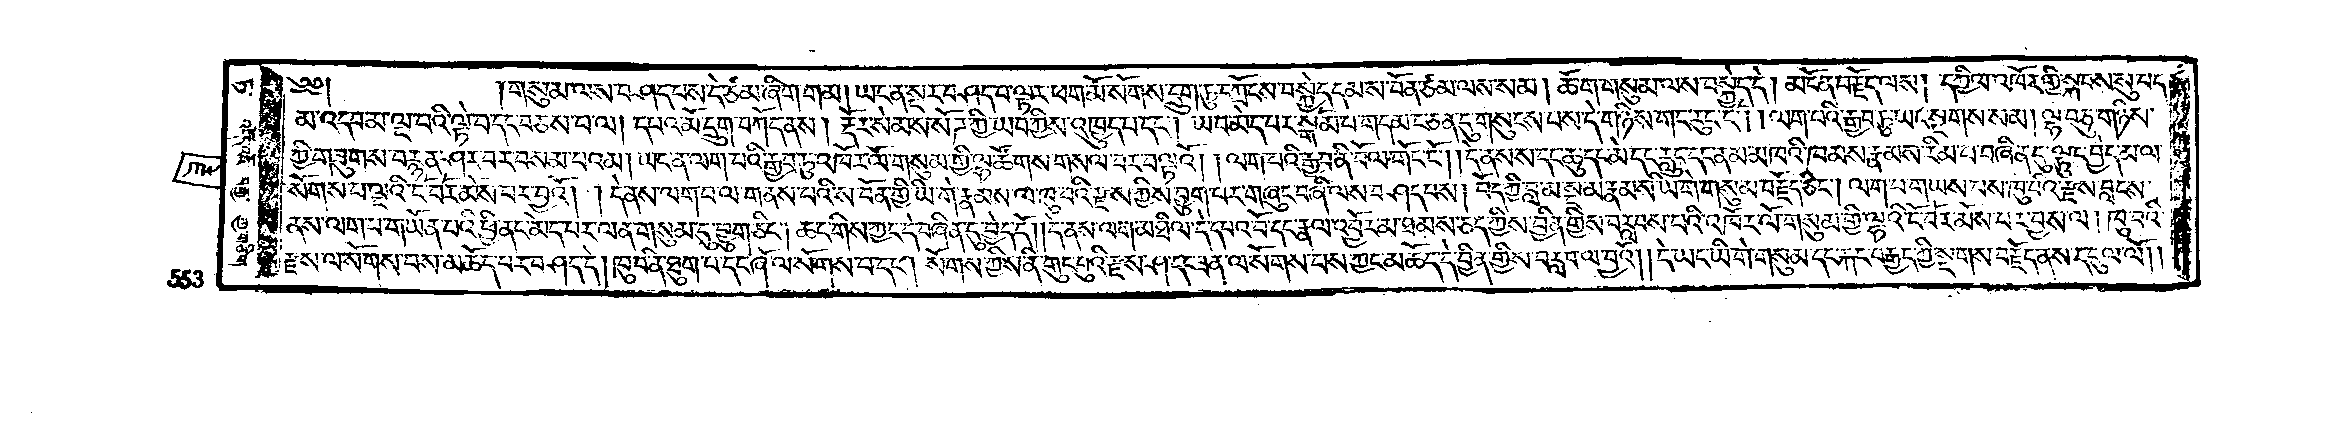༄༅། །གསུམ་ལས་བཤད་པས་དེ་ཙམ་ཞིག་གམ། ཡང་ན་སྔར་བཤད་པ་ལྟར་ཕག་མོ་སོགས་དྲུག་ཏུ་དཀྲོངས་བསྐྱེད་དམ་ས་བོན་ཙམ་ལས་སམ། ཆོ་ག་གསུམ་ལས་བསྐྱེད་དེ། མངོན་བརྗོད་ལས། དཀྱིལ་འཁོར་གྱི་སྐབས་སུ་བད་
མ་འདབ་མ་ལྔ་པའི་ལྟེ་བ་དང་བཅས་པ་ལ། དཔའ་མོ་དྲུག་བཀོད་ནས། རྡོར་སེམས་སོགས་ཀྱི་ཡབ་ཀྱིས་འཁྱུད་པ་དང་། ཡབ་མེད་པར་སྒོམ་པ་གདམ་ང་ཅན་དུ་གསུངས་པས་དེ་གཉིས་གང་རུང་ངོ། །ལག་པའི་རྒྱབ་ཏུ་ཡང་སྔགས་སམ། ལྷ་བཅུ་གཉིས་
ཀྱི་གཟུགས་བརྙན་ཤར་བར་བསམ་པའམ། ཡང་ན་ལག་པའི་རྒྱབ་ཏུ་འཁོར་ལོ་གསུམ་གྱི་ལྷ་ཚོགས་གསལ་བར་བལྟའོ། །ལག་པའི་རྒྱབ་ནི་བོལ་གོང་ངོ། །དེ་ནས་ས་དང་ཆུ་དང་མེ་དང་རླུང་དང་ནམ་མཁའི་ཁམས་རྣམས་རིམ་པ་བཞིན་དུ་ལྟུང་བྱེད་མ་ལ་
སོགས་པ་ལྔའི་ངོ་བོར་མོས་པར་བྱའོ། །དེ་ནས་ལག་པ་ལ་གནས་པའི་ས་བོན་གྱི་ཡི་གེ་རྣམས་ལ་ཁུ་བའི་རྫས་ཀྱིས་བྱུག་པར་གཞུང་བཞི་ལས་བཤད་པས། བོད་ཀྱི་བླ་མ་སྔ་མ་རྣམས་ཡི་གེ་གསུམ་བརྗོད་ཅིང་། ལག་པ་གཡས་པས་ཁུ་བའི་རྫས་བླངས་
ནས་ལག་པ་གཡོན་པའི་ཕྱི་ནང་མེད་པར་ལན་གསུམ་དུ་བྱུག་ཅིང་། ཆང་གིས་ཀྱང་དེ་བཞིན་དུ་བྱེད་དོ། །དེ་ནས་ལག་མཐིལ་དེ་དཔའ་བོ་དང་རྣལ་འབྱོར་མ་ཐམས་ཅད་ཀྱིས་བྱིན་གྱིས་བརླབས་པའི་འཁོར་ལོ་གསུམ་གྱི་ལྷའི་ངོ་བོར་མོས་པར་བྱས་ལ། ཁུ་བའི་
རྫས་ལ་སོགས་པས་མཆོད་པར་བཤད་དེ། ཁུ་བ་ནི་ཐུག་པ་དང་ཞོ་ལ་སོགས་པ་དང་། སོགས་ཀྱིས་ནི་གུང་བུའི་རྫས་ཤ་དང་ཟན་ལ་སོགས་པས་ཀྱང་མཆོད་དེ་བྱིན་གྱིས་བརླབ་ལ་བྱའོ། །དེ་ཡང་ཡི་གེ་གསུམ་དང་རྐང་བརྒྱད་ཀྱི་སྔགས་བརྗོད་ནས་དབུལ་ལོ། །